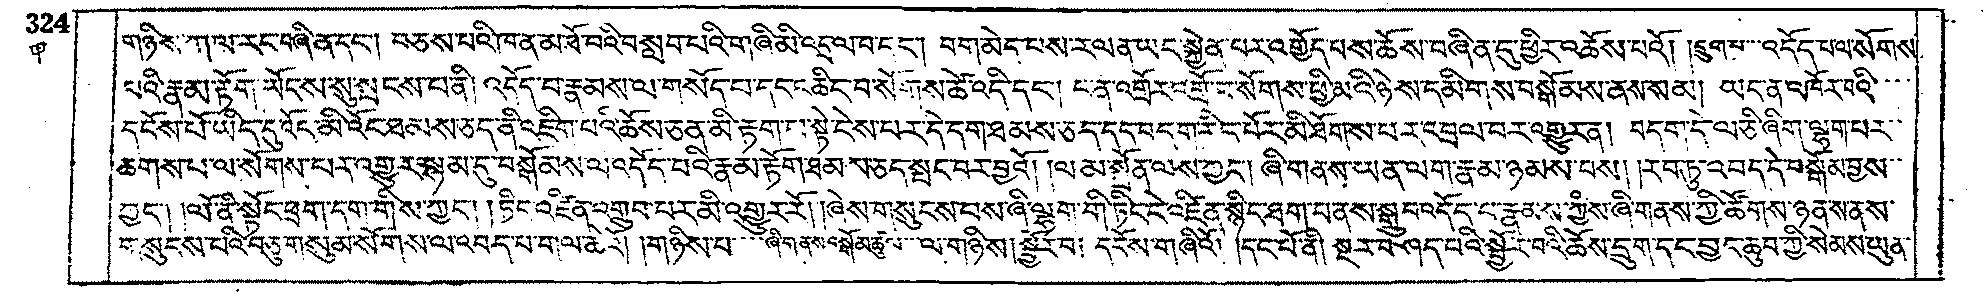གཉིས་ཀ་ལ་རང་བཞིན་དང་། བཅས་པའི་ཁ་ན་མ་ཐོ་བའི་བསླབ་པའི་གཞི་མི་འདྲལ་བ་དང་། བག་མེད་པས་རལ་ན་ཡང་སྐྱེན་པར་འགྱོད་པས་ཆོས་བཞིན་དུ་ཕྱིར་འཆོས་པའོ། །དྲུག་པའདོད་པ་ལ་སོགས་
པའི་རྣམ་རྟོག་ཡོངས་སུ་སྤངས་པ་ནི། འདོད་པ་རྣམས་ལ་གསོད་པ་དང་། འཆིང་བ་སོགས་ཚེ་འདི་དང་། ངན་འགྲོར་འགྲོ་བ་སོགས་ཕྱི་མའི་ཉེས་དམིགས་བསྒོམས་ནས་སམ། ཡང་ན་འཁོར་བའི་
དངོས་པོ་ཡིད་དུ་འོང་མི་འོང་ཐམས་ཅད་ནི་འཇིག་པའི་ཆོས་ཅན་མི་རྟག་པ་སྟེ་ངེས་པར་དེ་དག་ཐམས་ཅད་དང་བདག་རིང་པོར་མི་ཐོགས་པར་འབྲལ་བར་འགྱུར་ན། བདག་དེ་ལ་ཅི་ཞིག་ལྷག་པར་
ཆགས་པ་ལ་སོགས་པར་འགྱུར་སྙམ་དུ་བསྒོམས་ལ་འདོད་པའི་རྣམ་རྟོག་ཐམས་ཅད་སྤང་བར་བྱའོ། །ལམ་སྒྲོན་ལས་ཀྱང་། ཞི་གནས་ཡན་ལག་རྣམ་ཉམས་པས། །རབ་ཏུ་འབད་དེ་བསྒོམ་བྱས་
ཀྱང་། །ལོ་ནི་སྟོང་ཕྲག་དག་གིས་ཀྱང་། །ཏིང་འཛིན་འགྲུབ་པར་མི་འགྱུར་རོ། །ཞེས་གསུངས་པས་ཞི་ལྷག་གི་ཏིང་ངེ་འཛིན་སྙིང་ཐག་པ་ནས་སྒྲུབ་འདོད་པ་རྣམས་ཀྱིཾས་ཞི་གནས་ཀྱི་ཚོགས་ཉན་ས་ནས་
གསུངས་པའི་བཅུ་གསུམ་སོགས་ལ་འབད་པ་གལ་ཆེའོ། །གཉིས་པཞི་གནས་བསྒོམ་ཚུལལ་གཉིས། སྦྱོར་བ། དངོས་གཞིའོ། །དང་པོ་ནི། སྔར་བཤད་པའི་སྦྱོར་བའི་ཆོས་དྲུག་དང་བྱང་ཆུབ་ཀྱི་སེམས་ཡུན་